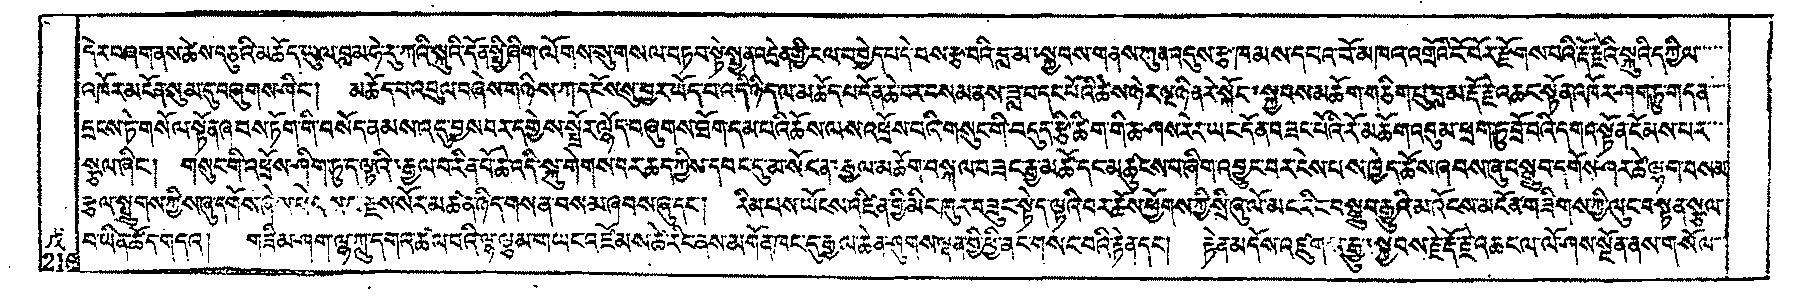དེར་བཞག་ནས་ཚེས་བཅུའི་མཆོད་ཡུལ་བླ་མ་ཧེ་རུ་ཀའི་སྐུའི་དོན་སྤྱི་ཞིག་ལོགས་སུ་གསལ་བཏབ་སྟེ་སྤྱན་འདྲེན་གྱི་ངལ་བ་བྱེད་པ་དེ་བས་རྩ་བའི་བླ་མ་༧སྐྱབས་གནས་ཀུན་འདུས་རྩ་ཁམས་དཔའ་བོ་མཁའ་འགྲོའི་ངོ་བོར་རྫོགས་པའི་རྡོ་རྗེའི་སྐུའི་དཀྱིལ་
འཁོར་མངོན་སུམ་དུ་བཞུགས་ཤིང་། མཆོད་པ་འབུལ་བཞེས་གཉིས་ཀ་དངོས་སུ་བྱར་ཡོད་པ་འདི་ཉིད་ལ་མཆོད་པ་དོན་ཆེ་བར་བསམ་ནས་ཟླ་བ་དང་པོའི་ཚེས་ཉེར་ལྔ་ཉིན་རེ་སྐོང་༧སྐྱབས་མཆོག་གཅིག་པུ་བླ་མ་རྡོ་རྗེ་འཆང་སྟོན་འཁོར་ཤག་ཏུ་གདན་
དྲངས་ཏེ་གསོལ་སྟོན་ཞབས་ཏོག་གི་བསོད་ནམས་འདུ་བྱས་པར་དགྱེས་སྤྲོར་ལྷོད་བཞུགས་ཐོག་དམ་པའི་ཆོས་ལས་འཕྲོས་པའི་གསུང་གི་བདུད་རྩི་ཚིག་གི་ཆ་ཤས་རེར་ཡང་དོན་བཟང་པོའི་རོ་མཆོག་འབུམ་ཕྲག་ཏུ་བྲོ་བའི་དགའ་སྟོན་ངོམས་པར་
སྩལ་ཞིང་། གསུང་གི་འཕྲོས་ཤིག་ཏུ་ད་ལྟའི་༧རྒྱལ་བ་རིན་པོ་ཆེ་འདི་སྐུ་གེགས་བར་ཆད་ཀྱིས་དབང་དུ་མ་སོང་ན་༧རྒྱལ་མཆོག་བསྐལ་བཟང་རྒྱ་མཚོ་དང་མཚུངས་པ་ཞིག་འབྱུང་བར་ངེས་པས་ཁྱེད་ཚོས་ཞབས་ཞུ་བསྒྲུབ་དགོས་ཤར་ཚེ་ལྷག་བསམ་
རྩལ་སྤྲུགས་ཀྱིས་ཞུ་དགོས་ཞེས་ཕེབས་པ་རྗེས་སོར་མཚན་ཉིད་གསན་བསམ་ཞབས་ཞུ་དང་། རིམ་པས་ཡོངས་འཛིན་གྱི་མིང་ཁུར་བཟུང་སྟེ་ད་ལྟའི་བར་ཆོས་ཕྱོགས་ཀྱི་སྲི་ཞུ་ལོ་མང་རིང་བསྒྲུབ་རྒྱུའི་མ་འོངས་མངོན་གཟིགས་ཀྱི་ལུང་བསྟན་སྩལ་
བ་ཡིན་ཚོད་གདའ། གཟིམ་ཤག་ལྷ་ཀླུ་དགའ་ཚལ་བའི་ལྷ་ལྕམ་གཡང་འཛོམས་ཚེ་རིང་ནས་མགོན་ཁང་དུ་རྒྱལ་ཆེན་ཤུགས་ལྡན་གྱི་ཕྱི་ནང་གསང་བའི་རྟེན་དང་། རྟེན་མདོས་འཛུགས་རྒྱུ་༧སྐྱབས་རྗེ་རྡོ་རྗེ་འཆང་ལ་ལོ་ཤས་སྔོན་ནས་གསོལ་